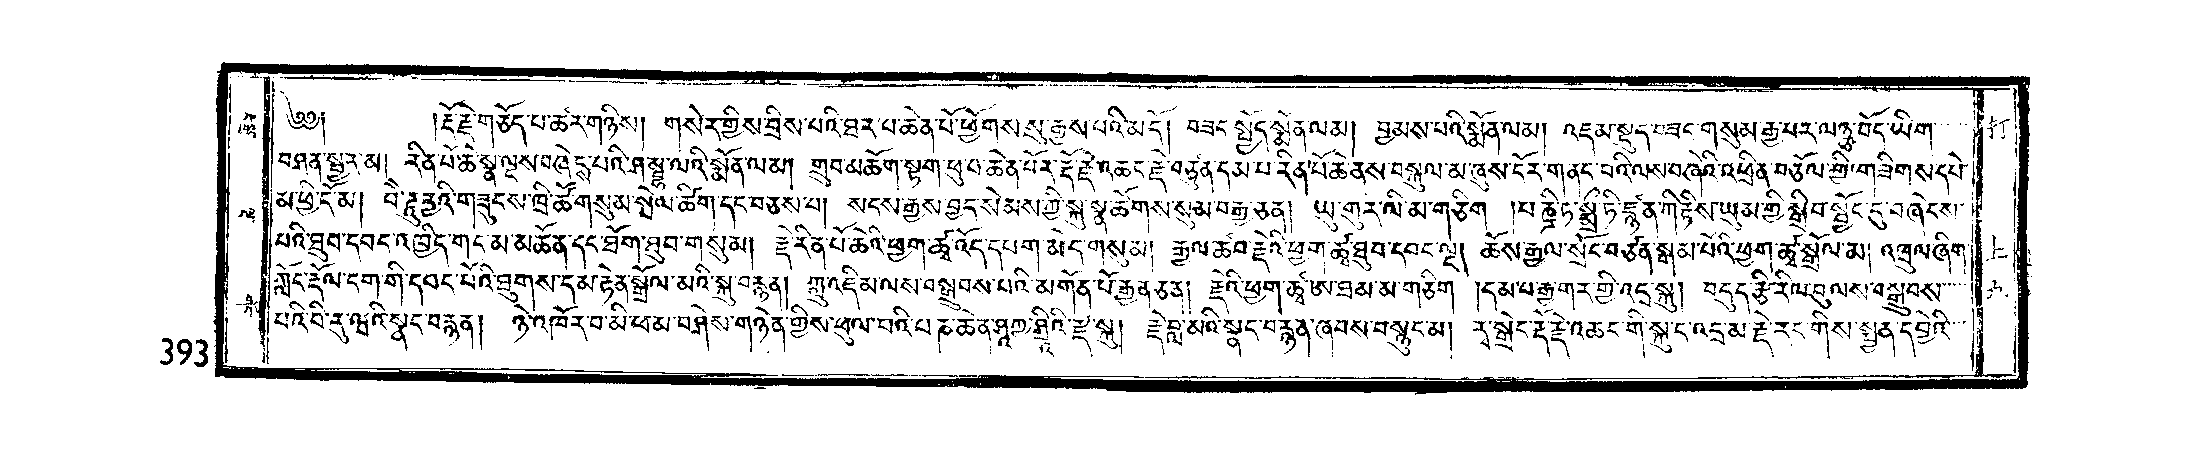༄༅། །རྡོ་རྗེ་གཅོད་པ་ཚར་གཉིས། གསེར་གྱིས་བྲིས་པའི་ཐར་པ་ཆེན་པོ་ཕྱོགས་སུ་རྒྱས་པའི་མདོ། བཟང་སྤྱོད་སྨོན་ལམ། བྱམས་པའི་སྨོན་ལམ། འཇམ་སྡུད་བཟང་གསུམ་རྒྱ་པར་ལཉྩ་བོད་ཡིག་
བཤན་སྦྱར་མ། རིན་པོ་ཆེ་སྣ་ལྔས་བཞེངས་པའི་ཤམྦྷ་ལའི་སྨོན་ལམ། གྲུབ་མཆོག་སྟག་ཕུ་པ་ཆེན་པོར་རྡོ་རྗེ་འཆང་རྗེ་བཙུན་དམ་པ་རིན་པོ་ཆེ་ནས་བསྐུལ་མ་ཞུས་དོར་གནང་བའི་ལས་བཞེའི་འཕྲིན་བཅོལ་གྱི་གཟིགས་དཔེ་
མ་ཕྱི་དོ་མ། བཻ་ཌཱུརྱའི་གཟུངས་ཁྲི་ཚོ་གསུམ་སྤེལ་ཚིག་དང་བཅས་པ། སངས་རྒྱས་བྱང་སེམས་ཀྱི་སྐུ་སྣ་ཚོགས་སུམ་བརྒྱ་ཅན། ཡུ་གུར་ལི་མ་གཅིག །པཎྜི་ཏ་སྨྲྀ་ཏི་ཛྙན་ཀི་རྟིས་ཡུམ་གྱི་སྒྲིབ་སྦྱོང་དུ་བཞེངས་
པའི་ཐུབ་དབང་འཁྱིད་གང་མ་མཆོན་དང་ཐོག་ཐུབ་གསུམ། རྗེ་རིན་པོ་ཆེའི་ཕྱག་ཚྭ་འོད་དཔག་མེད་གསུམ། རྒྱལ་ཚབ་རྗེའི་ཕྱག་ཚྭ་ཐུབ་དབང་ལྔ། ཆོས་རྒྱལ་སྲོང་བཙན་སྒམ་པོའི་ཕྱག་ཚྭ་སྒྲོལ་མ། འཁྲུལ་ཞིག་
ཀློང་རྡོལ་ངག་གི་དབང་པོའི་ཐུགས་དམ་རྟེན་སྒྲོལ་མའི་སྐུ་བརྙན། ཀླུ་འཇིམ་ལས་བསྒྲུབས་པའི་མགོན་པོ་རྒྱན་ཅན། རྗེའི་ཕྱག་ཚྭ་ཨ་ཐམ་མ་གཅིག །དམ་པ་རྒྱ་གར་གྱི་འདྲ་སྐུ། བདུད་རྩི་རིལ་བུ་ལས་བསྒྲུབས་
པའི་བི་རུ་ཝའི་སྣང་བརྙན། ཉེ་འཁོར་བ་མི་ཕམ་བཤེས་གཉེན་གྱིས་ཕུལ་བའི་པཎ་ཆེན་ཤཱཀྱ་ཤྲཱིའི་རྫ་སྐུ། རྗེ་བླ་མའི་སྣང་བརྙན་ཞབས་བསྙུང་མ། རྭ་སྒྲེང་རྡོ་རྗེ་འཆང་གི་སྐུ་ང་འདྲ་མ་རྗེ་རང་གིས་སྤྱན་དབྱེའི་